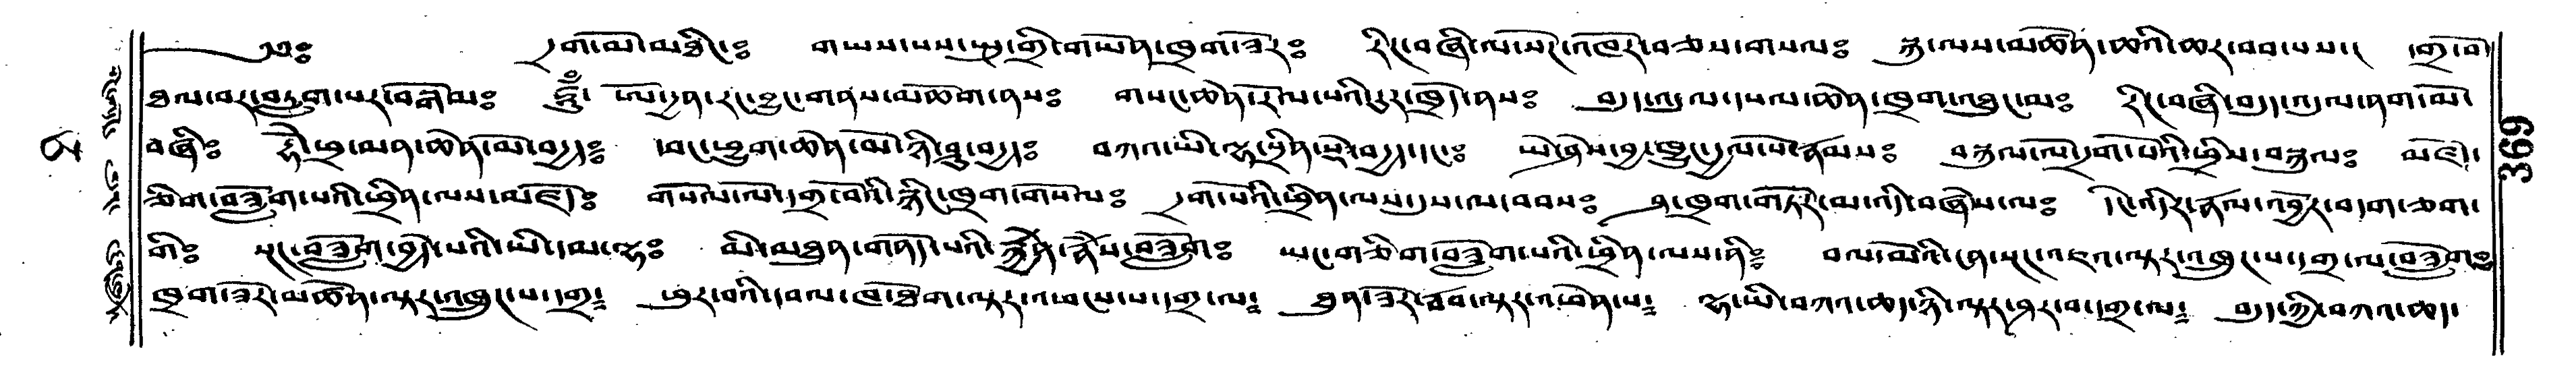དྲག་མོ་མཐིང༔ གཡས་པས་སྤུ་གྲི་གཡོན་ཁྲག་ཟོར༔ རིགས་བཞི་ལ་སོགས་འཁོར་བཅས་གསལ༔ སྐུ་ལས་མཚོན་ཆའི་ཆར་བབས་པས༔ དགྲ་བོ་
ཐལ་བར་བརླག་པར་བསྒོམ༔ ཧཱུྃ༔ ཨོ་རྒྱན་རང་བྱུང་གནས་མཆོག་ནས༔ གསང་ཆེན་རོལ་པའི་དུར་ཁྲོད་ནས༔ བདུད་འདུལ་དཔལ་ཆེན་ཁྲག་འཐུང་མ༔ རིགས་བཞི་བདུད་འདུལ་ནག་མོ་
བཞི༔ རྡོ་རྗེ་ཕྲ་མན་ཆེན་མོ་བརྒྱད༔ དབང་ཕྱུག་ཆེན་མོ་ཉི་ཤུ་བརྒྱད༔ བཀའ་ཡི་ལྷ་སྲིན་སྡེ་བརྒྱད་དང་༔ ཡེ་ཤེས་བྱ་ཁྱུང་རྒྱལ་པོ་རྣམས༔ བསྐུལ་ལོ་དྲག་པོའི་ཕྲིན་ལས་བསྐུལ༔ མཛོད་
ཅིག་བཟློག་པའི་ཕྲིན་ལས་མཛོད༔ གསོལ་ལོ་དགྲ་བོའི་སྙིང་ཁྲག་གསོལ༔ དྲག་པོའི་པྲིན་ལས་དུས་ལ་བབས༔ ཤ་ཁྲག་གཏོར་མ་འདི་བཞེས་ལ༔ དེང་འདིར་རྣལ་འབྱོར་བདག་ཅག་
གི༔ སྔགས་བཟློག་བྱེད་པའི་ཡི་དམ་ལྷ༔ མི་མཐུན་གནོད་པའི་རྐྱེན་རྣམས་བཟློག༔ ཡང་གཅིག་བཟློག་པའི་ཕྲིན་ལས་ནི༔ བལ་མོའི་ངན་སྔགས་འཇའ་ལྟར་འཁྲུགས་པ་དགྲ་ལ་བཟློག༔ 
ཁྲག་ཟོར་མཚོན་ལྟར་འཁྲུགས་པ་དགྲ༴ ཕུར་བའི་དབལ་ཁ་ཐོག་ལྟར་འཕངས་པ་དགྲ་ལ༴ ཐུན་ཟོར་རྦབ་ལྟར་འཕེན་པ༴ ལྷ་ཡི་བཀའ་ཆད་ཉི་ལྟར་ཤར་བ་དགྲ་ལ༴ བདུད་ཀྱི་བཀའ་ཆད་